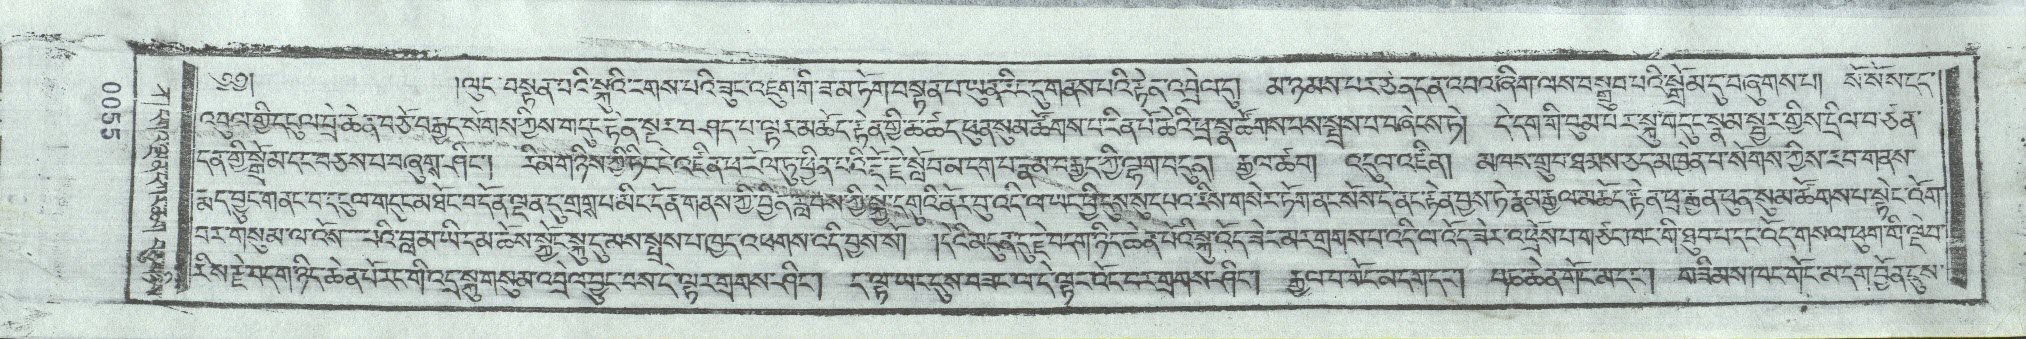༄༅། །ལུང་བསྟན་པའི་སྐུའི་རགས་པའི་ཟུང་འཇུག་གི་ཟ་མ་ཏོག་བསྟན་པ་ཡུན་རིང་དུ་གནས་པའི་རྟེན་འབྲེལ་དུ། མ་ཉམས་པར་ཙན་དན་འབའ་ཞིག་ལས་བསྒྲུབ་པའི་སྒྲོམ་དུ་བཞུགས་པ། སོ་སོས་དད་
འབུལ་གྱི་དངུལ་བྲེ་ཆེན་བཅོ་བརྒྱད་སོགས་ཀྱིས་གདུང་རྟེན་སྔར་བཤད་པ་ལྟར་མཆོད་རྟེན་གྱི་ཆ་ཚད་ཕུན་སུམ་ཚོགས་པ་རིན་པོ་ཆེའི་ཕྲ་སྣ་ཚོགས་པས་སྤྲས་པ་བཞེངས་ཏེ། དེ་དག་གི་བུམ་པར་སྐུ་གདུང་སྣམ་སྦྱར་གྱིས་དྲིལ་བ་ཙན?
དན་གྱི་སྒྲོམ་དང་བཅས་པ་བཞུགས་ཤིང་། རིམ་གཉིས་ཀྱི་ཏིང་ངེ་འཛིན་པ་རོལ་ཏུ་ཕྱིན་པའི་རྡོ་རྗེ་སློབ་མ་དག་པ་རྣམ་བརྒྱད་ཀྱི་ལྷག་བདུན། རྒྱལ་ཚབ། འདུལ་འཛིན། མཁས་གྲུབ་ཐམས་ཅད་མཁྱེན་པ་སོགས་ཀྱིས་རབ་གནས་
རྨད་བྱུང་གནང་བ་དངུལ་གདུང་མཐོང་བ་དོན་ལྡན་དུ་གྲགས་པ་མིང་དོན་གནས་ཀྱི་བྱིན་རླབས་ཀྱི་སྐྱེ་དགུའི་ནོར་བུ་འདི་ལ་ཡང་ཕྱི་དུས་སུ་དཔའ་རིས་གསེར་ཏོག་ནང་སོས་དེ་ནང་རྟེན་བྱས་ཏེ་རྣམ་རྒྱལ་མཆོད་རྟེན་ཕྲ་རྒྱན་ཕུན་སུམ་ཚོགས་པ་སྟེང་འོག་
བར་གསུམ་ལ་འོས་པའི་བླ་མ་ཡི་དམ་ཆོས་སྐྱོང་སྐུ་དུ་མས་སྤྲས་པ་ཁྱད་འཕགས་འདི་བྱས་སོ། །དེའི་མདུན་དུ་རྗེ་བདག་ཉིད་ཆེན་པོའི་སྐུ་འོད་ཟེར་མར་གྲགས་པ་འདི་ལ་འོད་ཟེར་འཕྲོས་པ་གཙང་ཁང་གི་ཐུབ་པ་དང་འོད་གསལ་ཕུག་གི་ལྔ་བ་
རིས་རྗེ་བདག་ཉིད་ཆེན་པོ་རང་གི་འདྲ་སྐུ་གསུམ་འབྲེལ་བྱུང་བས་དེ་ལྟར་གྲགས་ཤིང་། ད་ལྟ་ཡང་དུས་བཟང་ལ་དེ་ལྟར་འོང་བར་གྲགས་ཤིང་། རྒྱལ་བ་གོང་མ་དག་དང་། པཎ་ཆེན་གོང་མ་དང་། གཟིམས་ཁང་གོང་མ་དག་བྱོན་དུས་